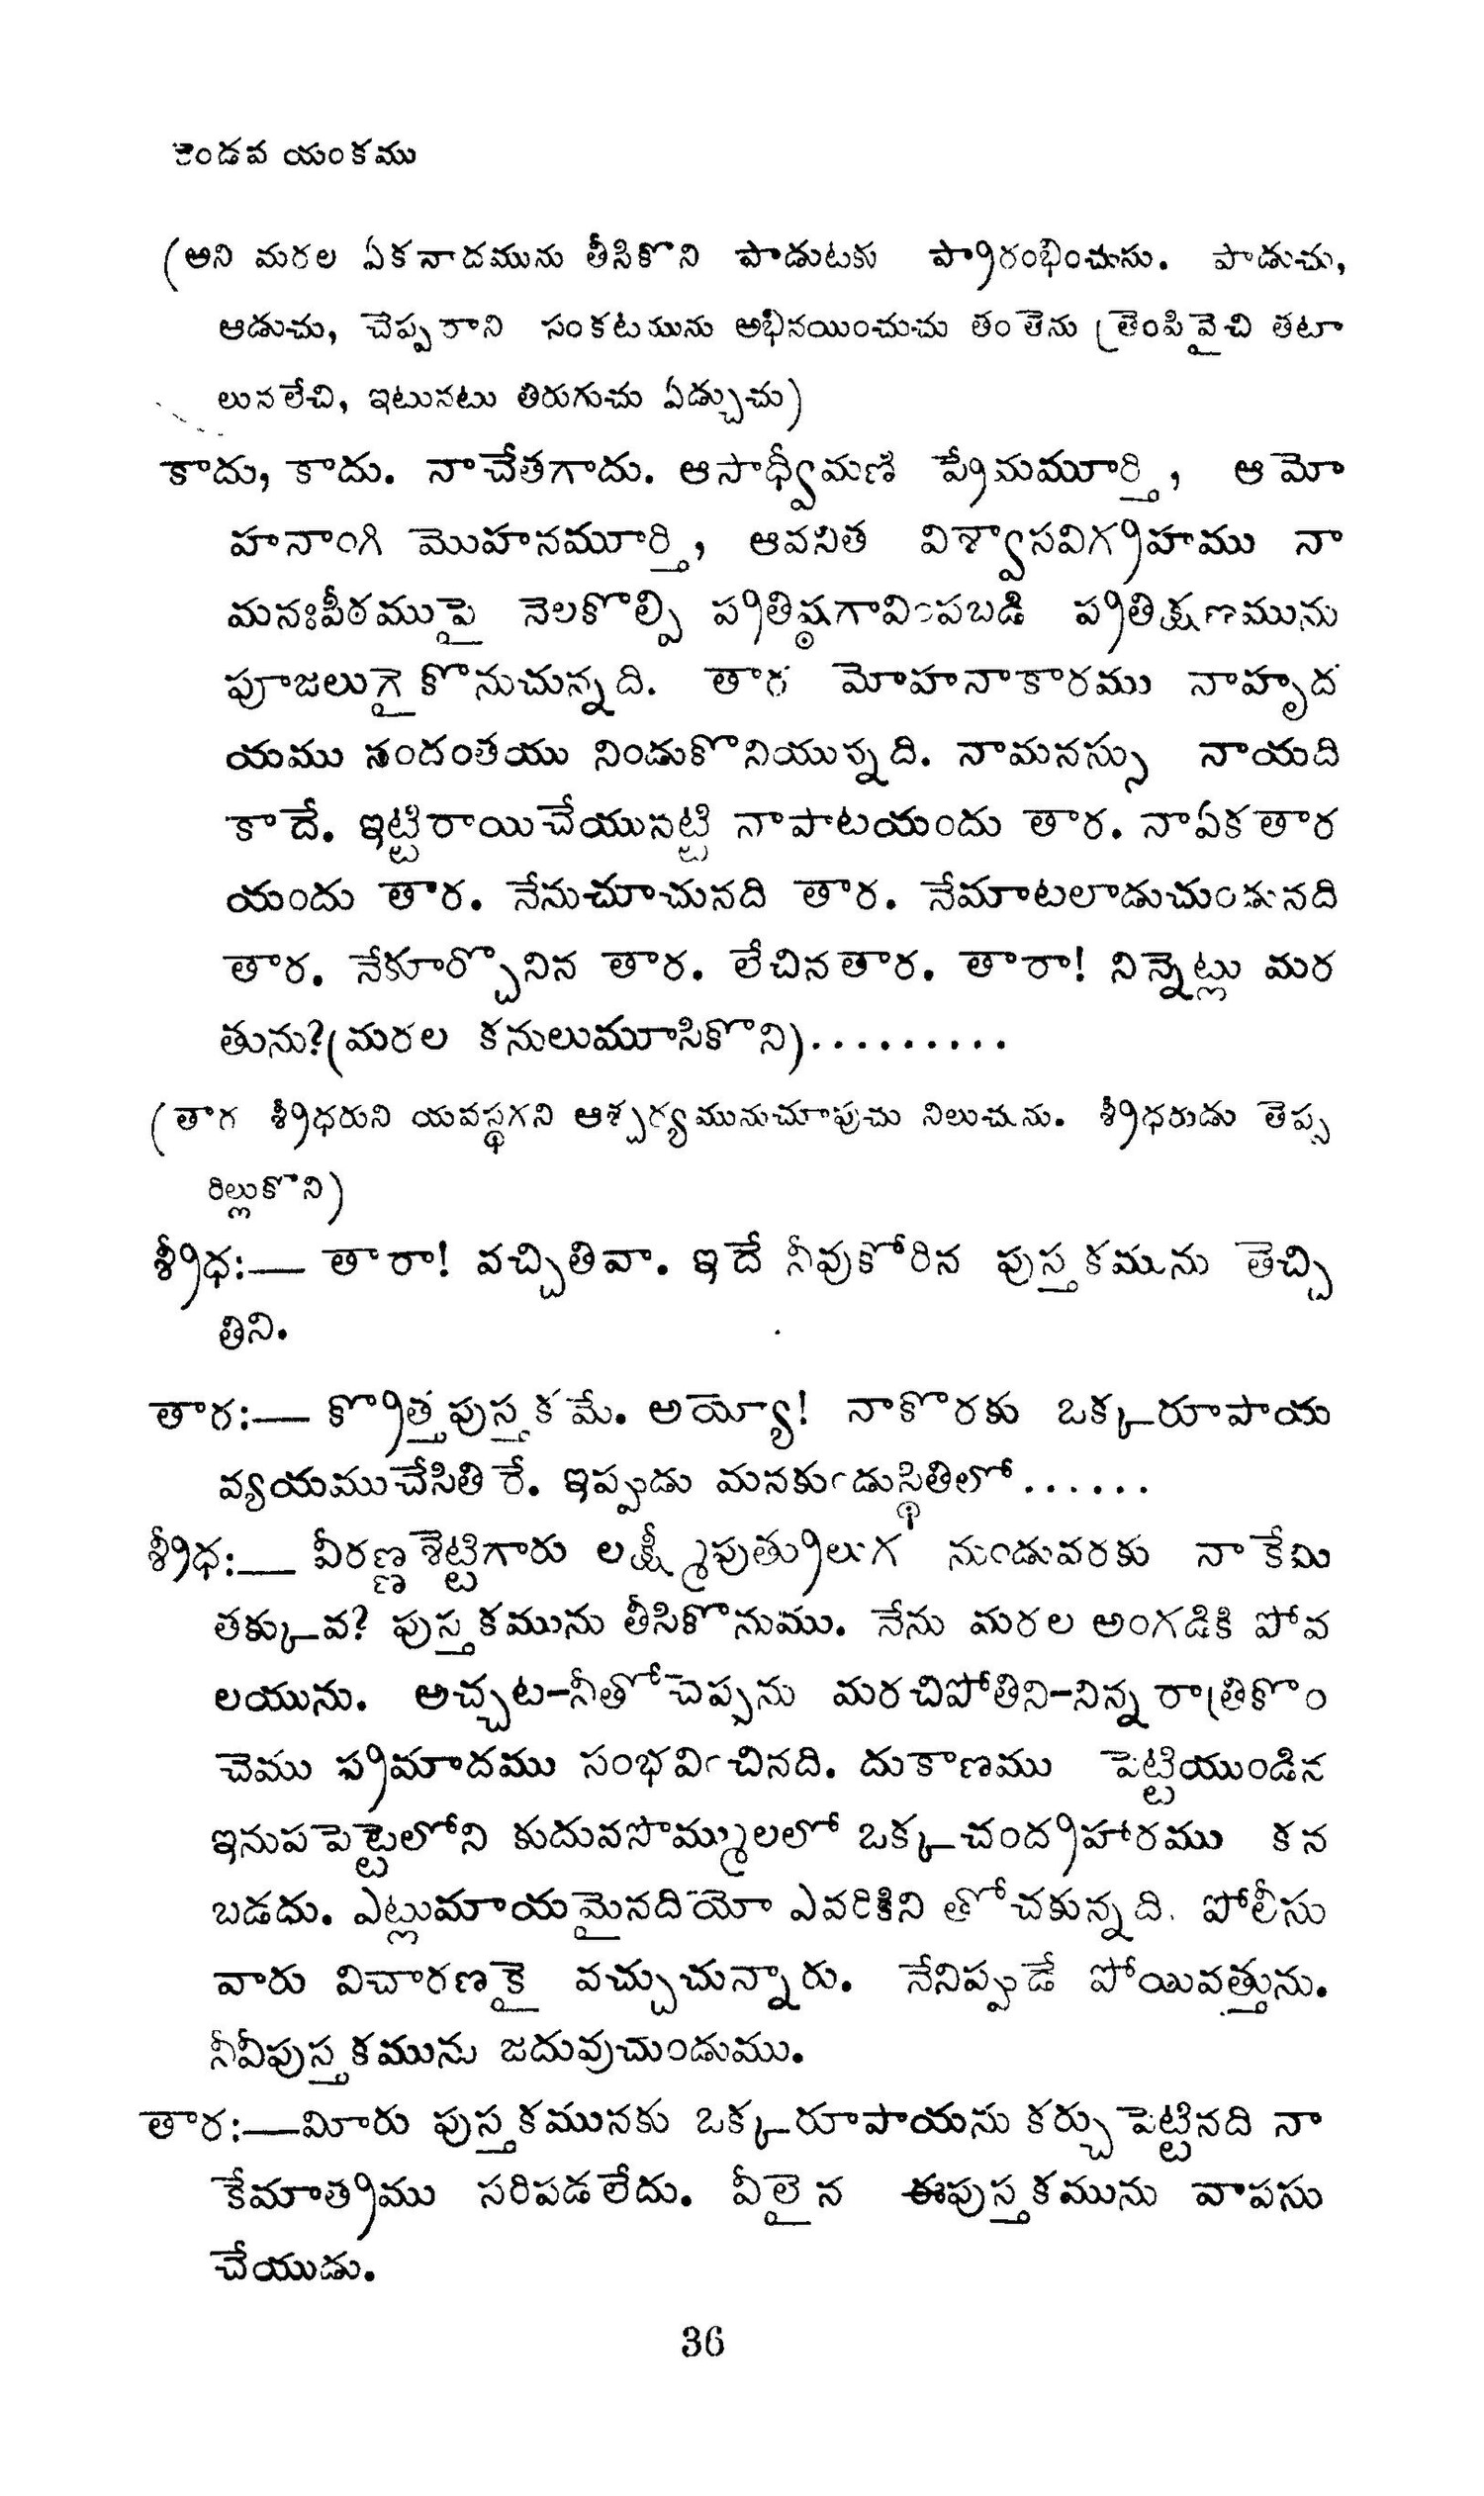(అని మరల ఏక నాదమును తీసికొని పాడుటకు ప్రారంభించును. పొడుచు,
ఆడుచు, చెప్ప రాని సంకటమును అభినయించుచు తంతెను త్రెంపి వైచి తటా
లున లేచి, ఇటునటు తిరుగుచు ఏడ్చుచు)

కాదు, కాదు. నా చేతగాదు. ఆ సాధ్వీమణి 'ప్రేమమూర్తి , ఆమో
హనాంగి మొహనమూర్తి , ఆవనిత విశ్వాస విగ్రహము నా
మనఃపీఠము పై నెలకొల్పి ప్రతిష్ఠగావి-పబడి ప్రతి క్షణమును
పూజలు గైకొనుచున్నది. తార మోహనాకారము నాహృద
యము నందంతయు నిండుకొని యున్నది. నామనస్సు నాయది
కాదే. ఇట్టిరాయి చేయునట్టి నాపాట యందు తార. నాఏక తార
యందు తార. నేను చూచునది తార. నేమాటలాడుచుండునది
తార. నేకూర్చొనిన తార. లేచిన తార. తారా! నిన్నెట్లు మర
తును? మరల కనులు మూసికొని). . .

( తార శ్రీధరుని యవస్థగని ఆశ్చర్య మునుచూపుచు నిలుచును. శ్రీధరుడు తెప్ప
రిల్లుకొని)

శ్రీధ:- తారా! వచ్చితివా. ఇదే నీవుకోరిన పుస్తకమును తెచ్చితిని.

తొగ:- కొత్త పుస్తకమే. అయ్యో! నాకొరకు ఒక్క రూపాయ
వ్యయము చేసితిరే. ఇప్పుడు మనకుండుస్థితిలో .

శ్రీధ: __ వీరణ్ణ శెట్టిగారు లక్ష్మీపుత్రులుగ' నుఁడువరకు నా కేమి
తక్కువ? పుస్తకమును తీసికొనుము. నేను మరల అంగడికి పోవ
లయును. అచ్చట-నీతో చెప్పను మరచిపోతిని నిన్న రాత్రికొం
చెము ప్రమాదము సంభవిచినది. దుకాణము పెట్టియుండిన
ఇనుప పెట్టెలోని కుదువ సొమ్ములలో ఒక్క చందహారము కన
బడదు. ఎట్లుమాయమైనదియో ఎవరికిని తోచకున్నది. పోలీసు
వారు విచారణకై వచ్చుచున్నారు. నేనిప్పుడే పోయివత్తును.
నీవీ పుస్తకమును జదువుచుండుము.

తార:—మీరు పుస్తకమునకు ఒక్క రూపాయను కర్చు పెట్టినది నా
కేమాత్రము సరిపడ లేదు. వీలైన ఈపుస్తకమును వాపసు
చేయుడు.